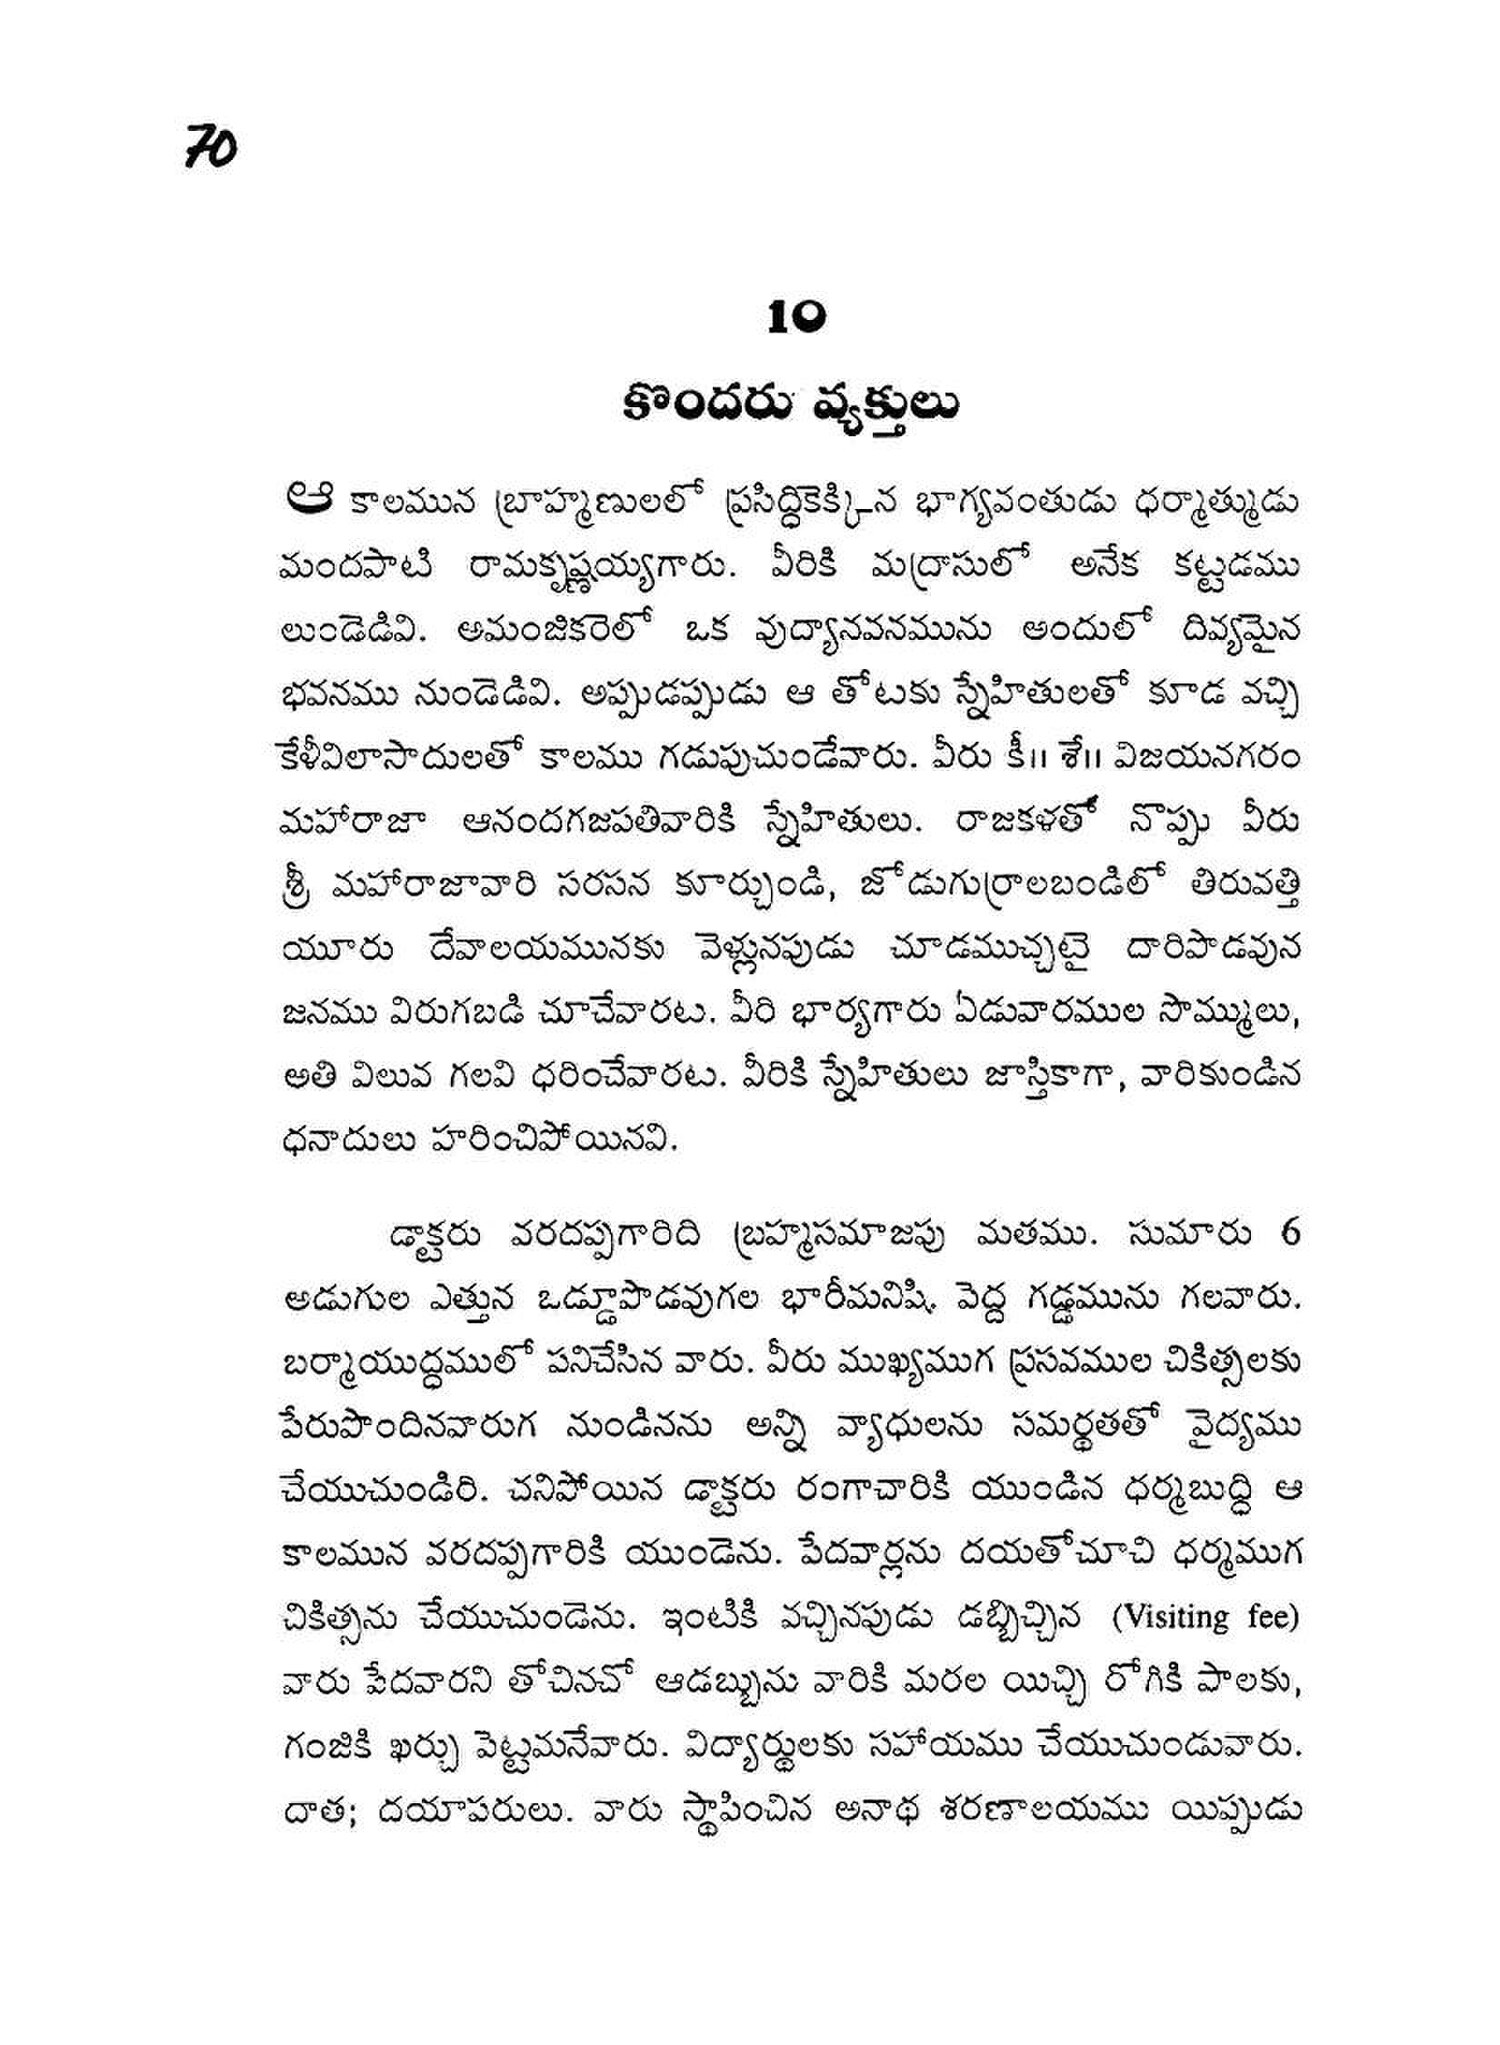ఆ కాలమున బ్రాహ్మణులలో ప్రసిద్ధికెక్కిన భాగ్యవంతుడు ధర్మాత్ముడు మందపాటి రామకృష్ణయ్యగారు. వీరికి మద్రాసులో అనేక కట్టడము లుండెడివి. అమంజికరెలో ఒక వుద్యానవనమును అందులో దివ్యమైన భవనము నుండెడివి. అప్పుడప్పుడు ఆ తోటకు స్నేహితులతో కూడ వచ్చి కేళీవిలాసాదులతో కాలము గడుపుచుండేవారు. వీరు కీ|| శే|| విజయనగరం మహారాజా ఆనందగజపతివారికి స్నేహితులు. రాజకళతో నొప్పు వీరు శ్రీ మహారాజావారి సరసన కూర్చుండి, జోడుగుర్రాలబండిలో తిరువత్తియూరు దేవాలయమునకు వెళ్లునపుడు చూడముచ్చటై దారిపొడవున జనము విరుగబడి చూచేవారట. వీరి భార్యగారు ఏడువారముల సొమ్ములు, అతి విలువ గలవి ధరించేవారట. వీరికి స్నేహితులు జాస్తికాగా, వారికుండిన ధనాదులు హరించిపోయినవి.

డాక్టరు వరదప్పగారిది బ్రహ్మసమాజపు మతము. సుమారు 6 అడుగుల ఎత్తున ఒడ్డూ పొడవుగల భారీమనిషి పెద్ద గడ్డమును గలవారు. బర్మాయుద్దములో పనిచేసిన వారు. వీరు ముఖ్యముగ ప్రసవముల చికిత్సలకు పేరుపొందినవారుగ నుండినను అన్ని వ్యాధులను సమర్థతతో వైద్యము చేయుచుండిరి. చనిపోయిన డాక్టరు రంగాచారికి యుండిన ధర్మబుద్ధి ఆ కాలమున వరదప్పగారికి యుండెను. పేదవార్లను దయతో చూచి ధర్మముగ చికిత్సను చేయుచుండెను. ఇంటికి వచ్చినపుడు డబ్బిచ్చిన (Visiting fee) వారు పేదవారని తోచినచో ఆడబ్బును వారికి మరల యిచ్చి రోగికి పాలకు, గంజికి ఖర్చుపెట్టమనేవారు. విద్యార్ధులకు సహాయము చేయుచుండువారు. దాత; దయాపరులు. వారు స్థాపించిన అనాథ శరణాలయము యిప్పుడు